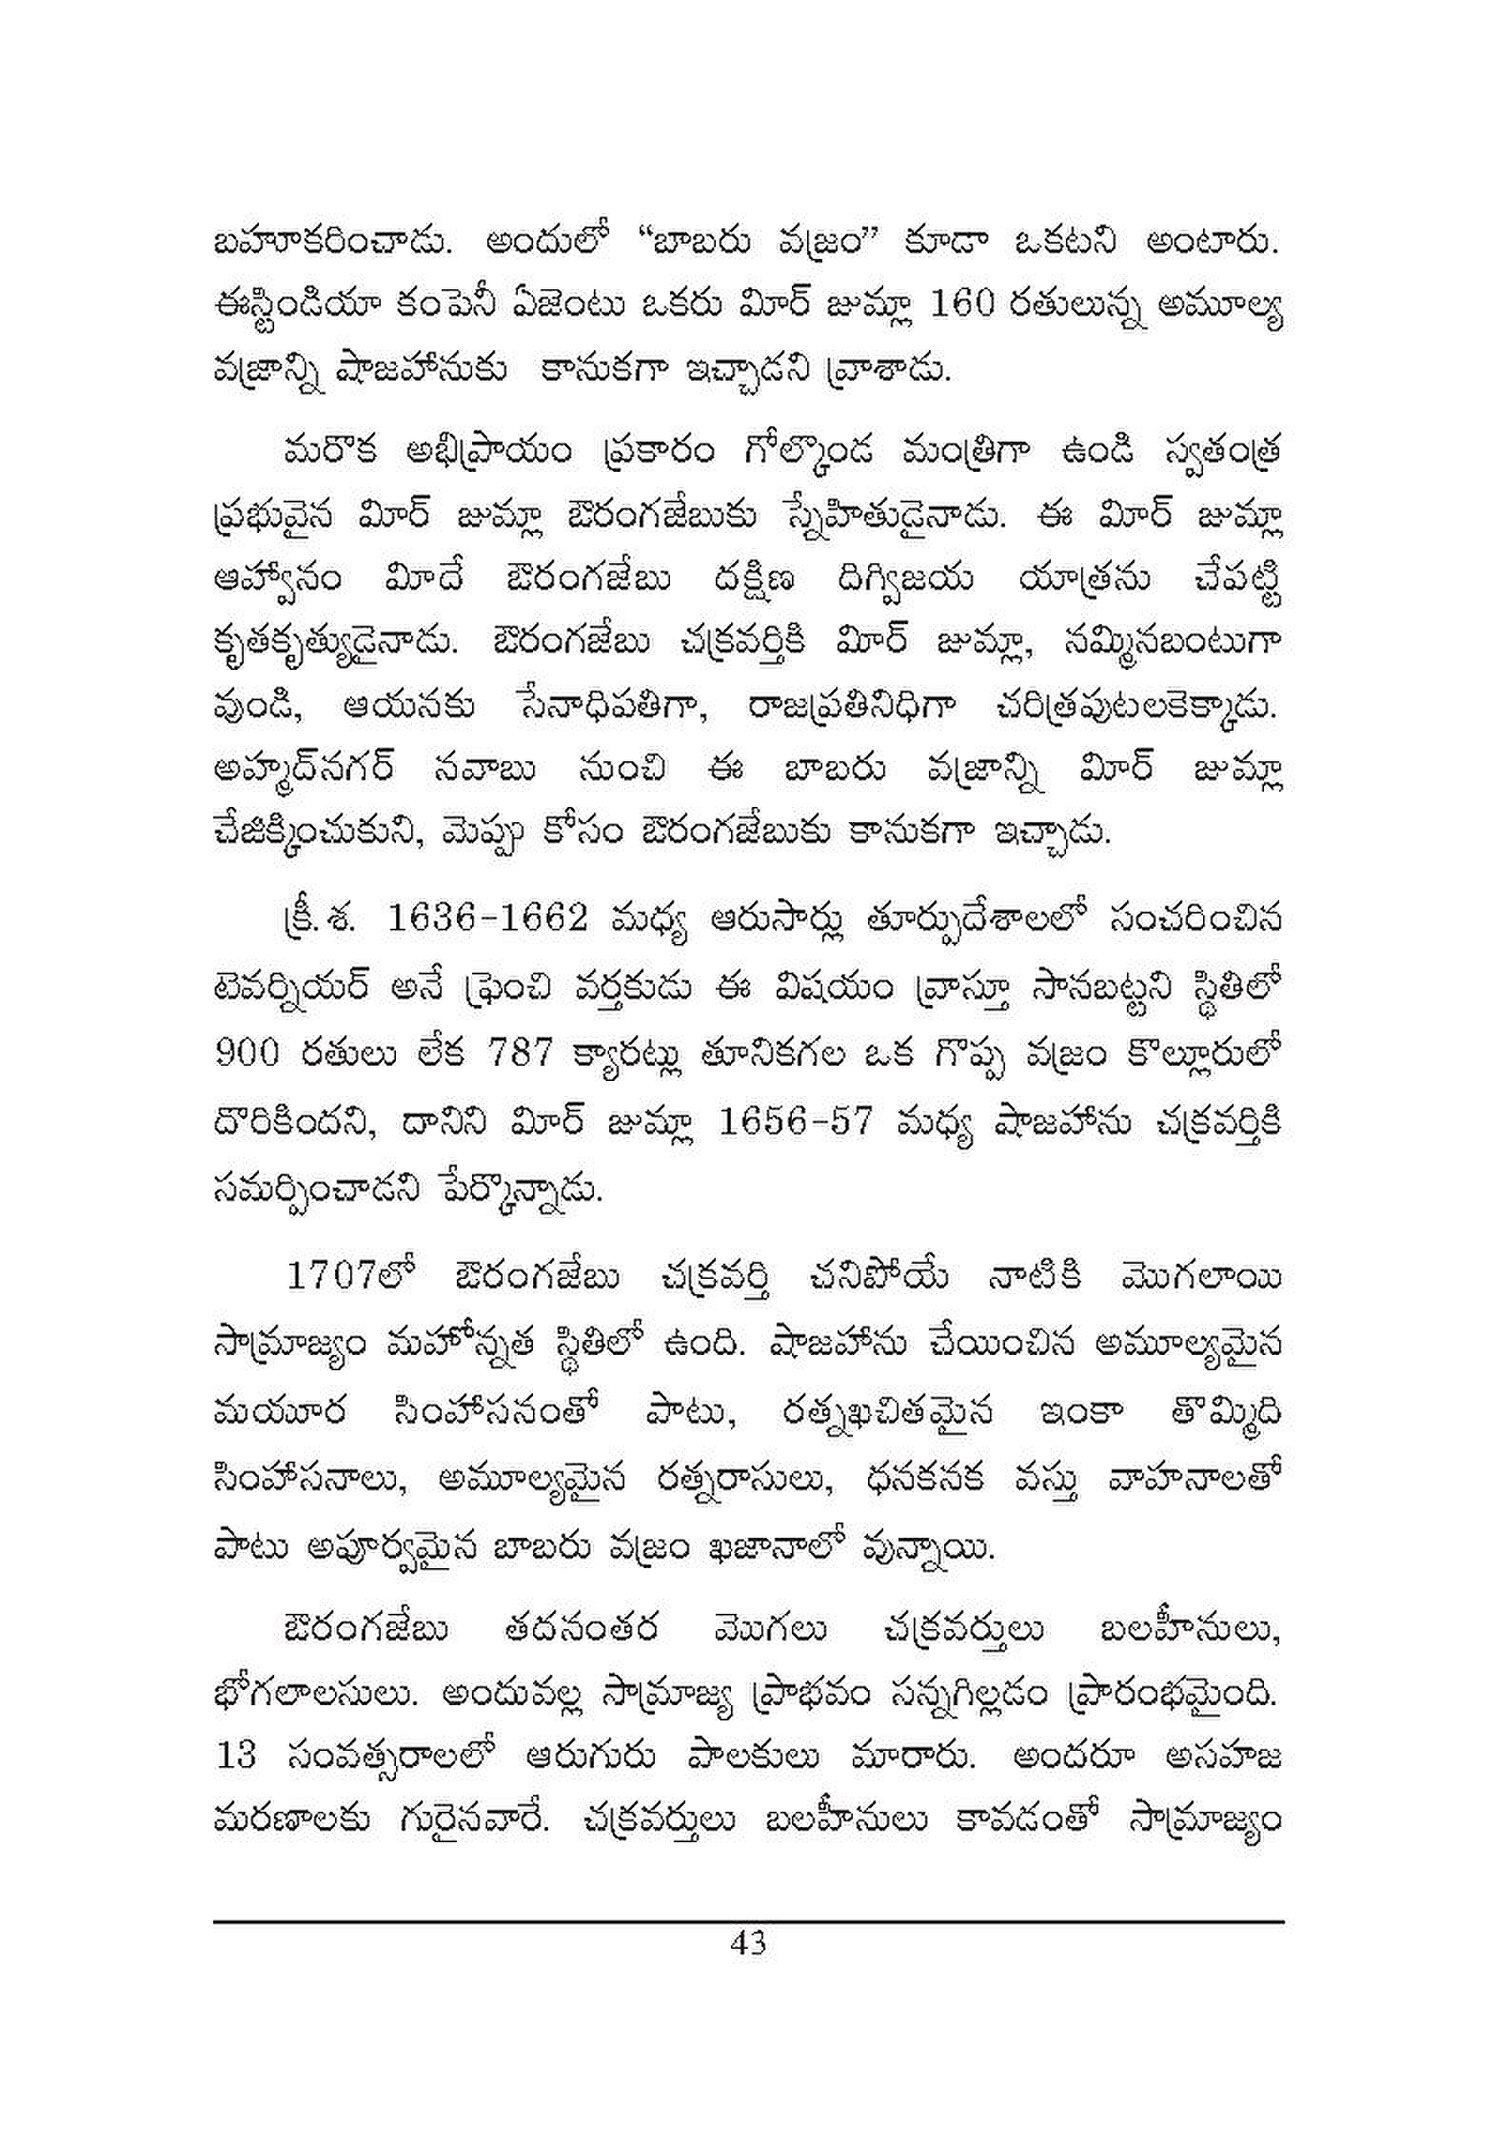బహూకరించాడు. అందులో "బాబరు వజ్రం" కూడా ఒకటని అంటారు. ఈస్టిండియా కంపెనీ ఏజెంటు ఒకరు విూర్ జుమ్లా 160 రతులున్న అమూల్య వజ్రాన్ని షాజహానుకు కానుకగా ఇచ్చాడని వ్రాశాడు.

మరొక అభిప్రాయం ప్రకారం గోల్కొండ మంత్రిగా ఉండి స్వతంత్ర ప్రభువైన విూర్ జుమ్లా ఔరంగజేబుకు స్నేహితుడైనాడు. ఈ విూర్ జుమ్లా ఆహ్వానం విూదే ఔరంగజేబు దక్షిణ దిగ్విజయ యాత్రను చేపట్టి కృతకృత్యుడైనాడు. ఔరంగజేబు చక్రవర్తికి విూర్ జుమ్లా, నమ్మినబంటుగా వుండి, ఆయనకు సేనాధిపతిగా, రాజప్రతినిధిగా చరిత్రపుటలకెక్కాడు. అహ్మద్నగర్ నవాబు నుంచి ఈ బాబరు వజ్రాన్ని విూర్ జుమ్లా చేజిక్కించుకుని, మెప్పు కోసం ఔరంగజేబుకు కానుకగా ఇచ్చాడు.

క్రీ.శ. 1638-1662 మధ్య ఆరుసార్లు తూర్పుదేశాలలో సంచరించిన టెవర్నియర్ అనే ఫ్రెంచి వర్తకుడు ఈ విషయం వ్రాస్తూ సానబట్టని స్థితిలో 900 రతులు లేక 787 క్యారట్ల తూనికగల ఒక గొప్ప వజ్రం కొల్లూరులో దొరికిందని, దానిని విూర్ జుమ్లా 1656-57 మధ్య షాజహాను చక్రవర్తికి సమర్పించాడని పేర్కొన్నాడు.

1707లో ఔరంగజేబు చక్రవర్తి చనిపోయే నాటికి మొగలాయి సామ్రాజ్యం మహోన్నత స్థితిలో ఉంది. షాజహాను చేయించిన అమూల్యమైన మయూర సింహాసనంతో పాటు, రత్నఖచితమైన ఇంకా తొమ్మిది సింహాసనాలు, అమూల్యమైన రత్నరాసులు, ధనకనక వస్తు వాహనాలతో పాటు అపూర్వమైన బాబరు వజ్రం ఖజానాలో వున్నాయి.

ఔరంగజేబు తదనంతర మొగలు చక్రవరులు బలహీనులు, భోగలాలసులు. అందువల్ల సామ్రాజ్య ప్రాభవం సన్నగిల్లడం ప్రారంభమైంది. 13 సంవత్సరాలలో ఆరుగురు పాలకులు మారారు. అందరూ అసహజ మరణాలకు గురైనవారే. చక్రవర్తులు బలహీనులు కావడంతో సామ్రాజ్యం